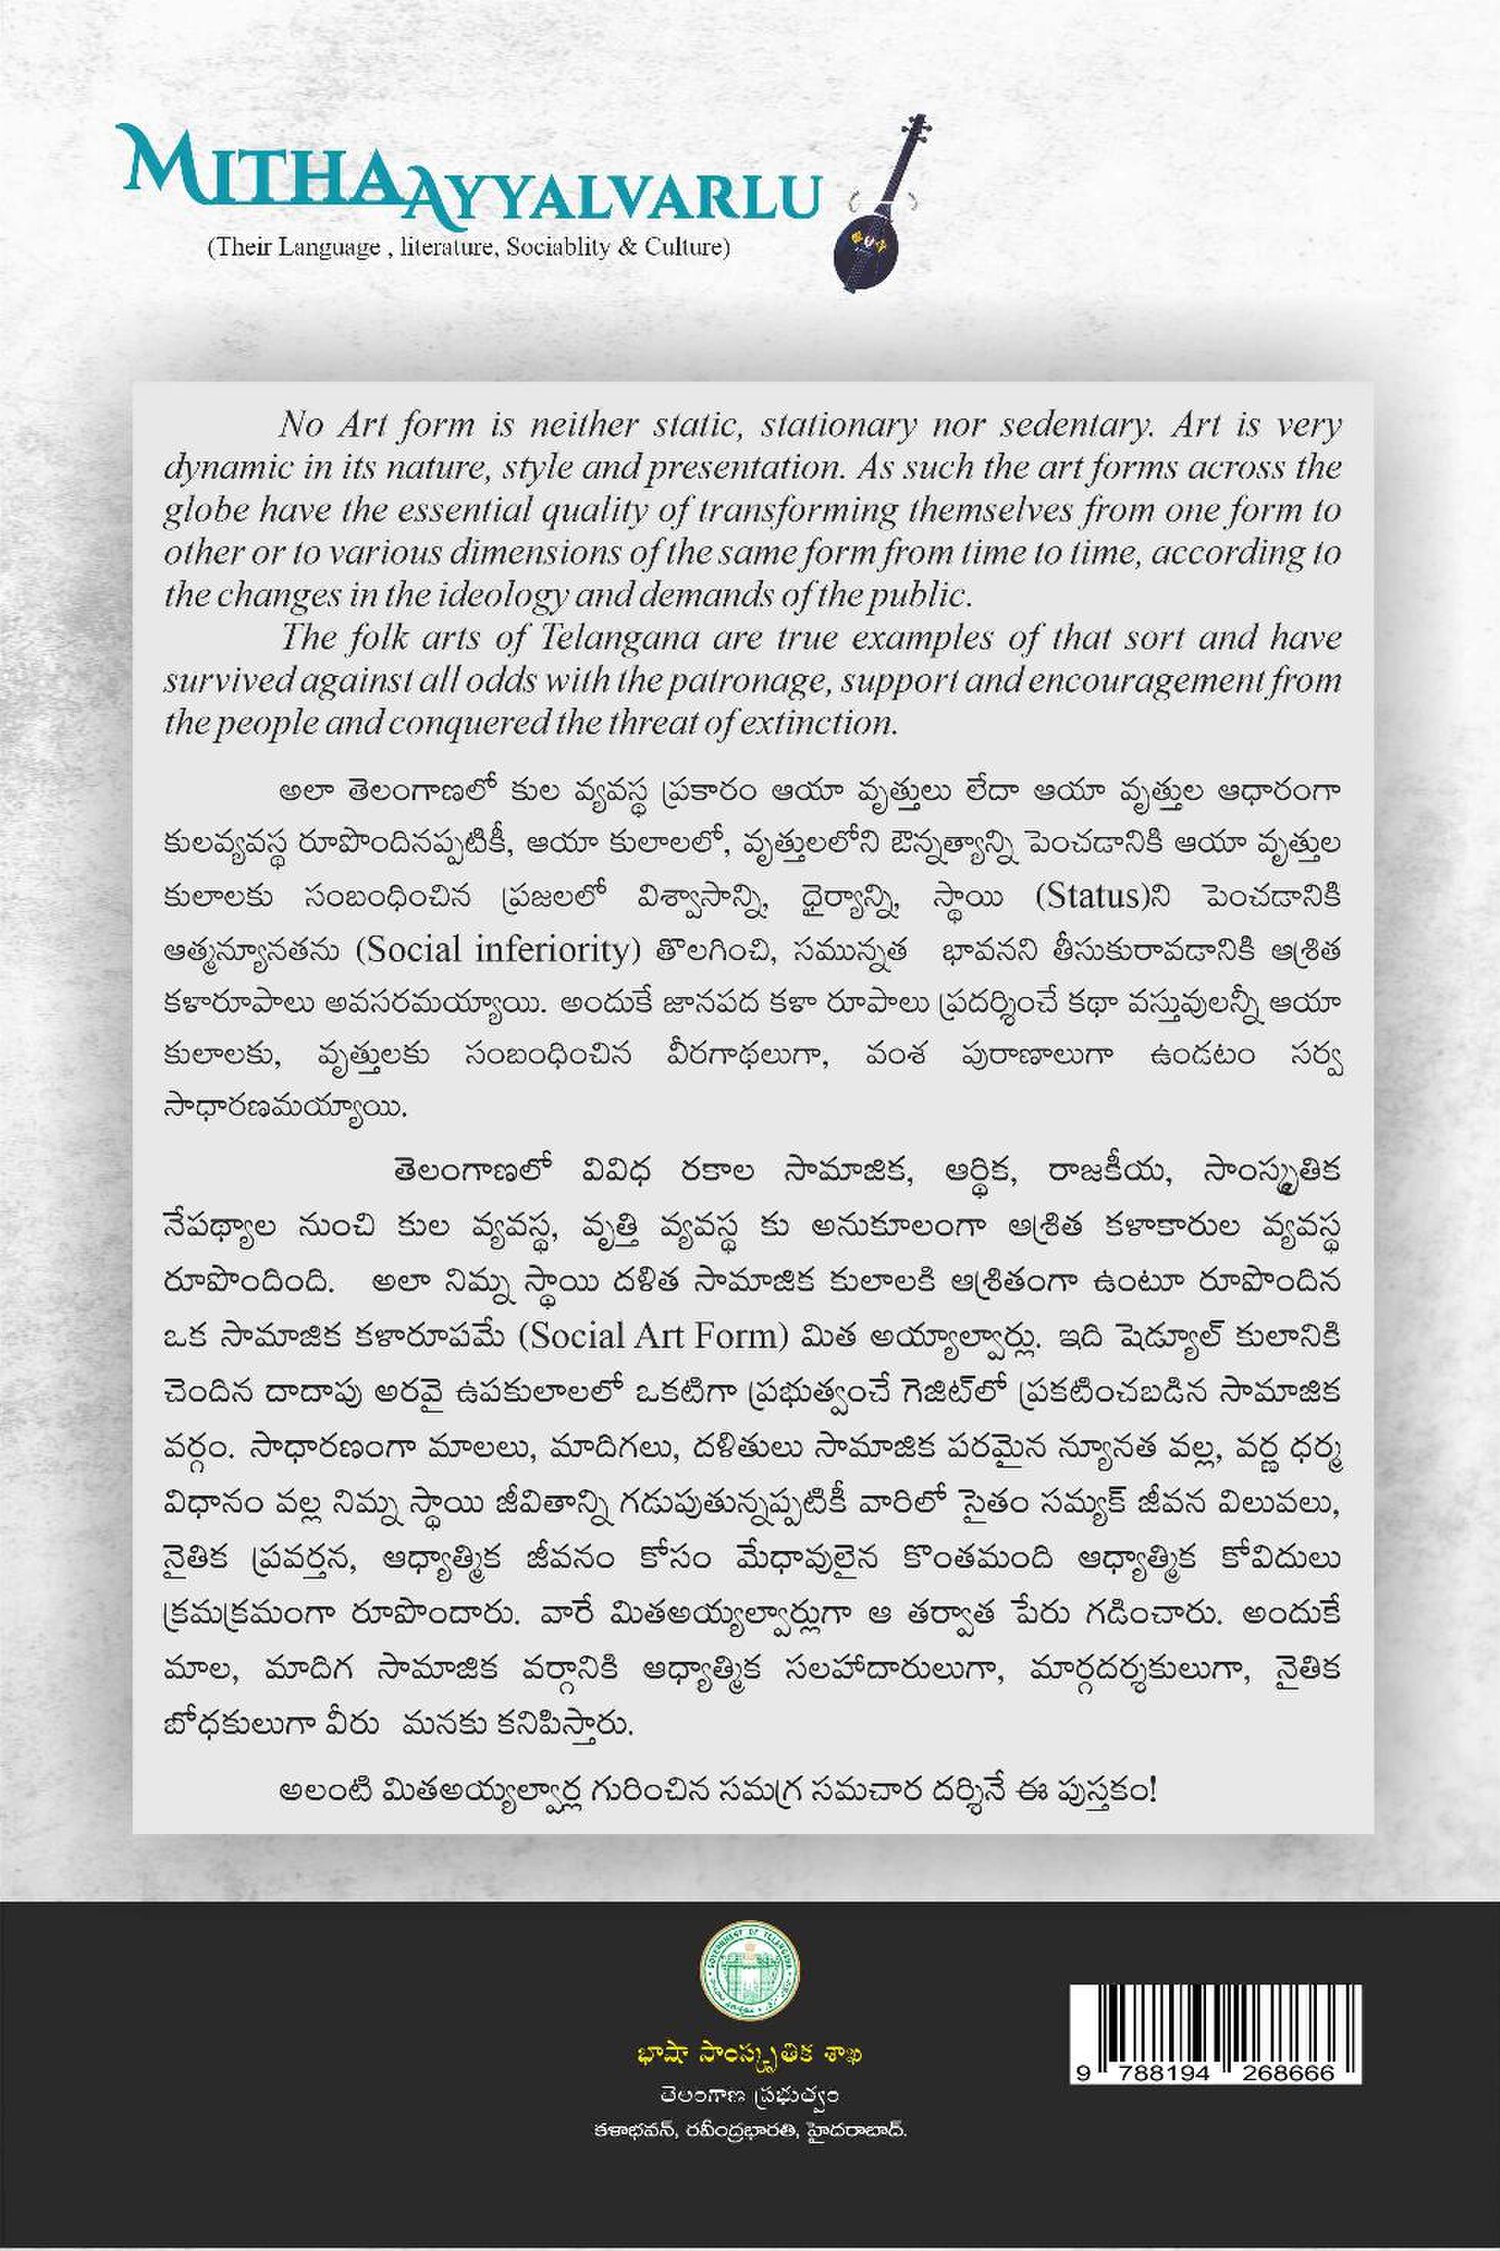No Art form is neither static, stationary nor sedentary. Art is very dynamic in its nature, style and presentation. As such the art forms across the globe have the essential quality of transforming themselves from one form toother or to various dimensions of the same form from time to time, according to the changes in the ideology and demands of the public.

The folk arts of Telangana are true examples of that sort and have survived against all odds with the patronage, support and encouragement from the people and conquered the threat of extinction.

అలా తెలంగాణలో కుల వ్యవస్థ ప్రకారం ఆయా వృత్తులు లేదా ఆయా వృత్తుల ఆధారంగా కులవ్యవస్థ రూపొందినప్పటికీ, ఆయా కులాలలో, వృత్తులలోని ఔన్నత్యాన్ని పెంచడానికి ఆయా వృత్తుల కులాలకు సంబంధించిన ప్రజలలో విశ్వాసాన్ని, ధైర్యాన్ని, స్థాయి (Status)ని పెంచడానికి ఆత్మన్యూనతను (Social inferiority) తొలగించి, సమున్నత భావనని తీసుకురావడానికి ఆశ్రిత కళారూపాలు అవసరమయ్యాయి. అందుకే జానపద కళా రూపాలు ప్రదర్శించే కథా వస్తువులన్నీ ఆయా కులాలకు, వృత్తులకు సంబంధించిన వీరగాథలుగా, వంశ పురాణాలుగా ఉండటం సర్వ సాధారణమయ్యాయి.

తెలంగాణలో వివిధ రకాల సామాజిక, ఆర్థిక, రాజకీయ, సాంస్కృతిక నేపథ్యాల నుంచి కుల వ్యవస్థ, వృత్తి వ్యవస్థ కు అనుకూలంగా ఆశ్రిత కళాకారుల వ్యవస్థ రూపొందింది. అలా నిమ్న స్థాయి దళిత సామాజిక కులాలకి ఆశ్రితంగా ఉంటూ రూపొందిన ఒక సామాజిక కళారూపమే (Social Art Form) మిత అయ్యాల్వార్లు. ఇది షెడ్యూల్ కులానికి చెందిన దాదాపు అరవై ఉపకులాలలో ఒకటిగా ప్రభుత్వంచే గెజిట్లో ప్రకటించబడిన సామాజిక వర్గం. సాధారణంగా మాలలు, మాదిగలు, దళితులు సామాజిక పరమైన న్యూనత వల్ల, వర్ణ ధర్మ విధానం వల్ల నిమ్న స్థాయి జీవితాన్ని గడుపుతున్నప్పటికీ వారిలో సైతం సమ్యక్ జీవన విలువలు, నైతిక ప్రవర్తన, ఆధ్యాత్మిక జీవనం కోసం మేధావులైన కొంతమంది ఆధ్యాత్మిక కోవిదులు
క్రమక్రమంగా రూపొందారు. వారే మితఅయ్యల్వార్లుగా ఆ తర్వాత పేరు గడించారు. అందుకే మాల, మాదిగ సామాజిక వర్గానికి ఆధ్యాత్మిక సలహాదారులుగా, మార్గదర్శకులుగా, నైతిక బోధకులుగా వీరు మనకు కనిపిస్తారు.

అలంటి మితఅయ్యల్వార్ల గురించిన సమగ్ర సమచార దర్శినే ఈ పుస్తకం!